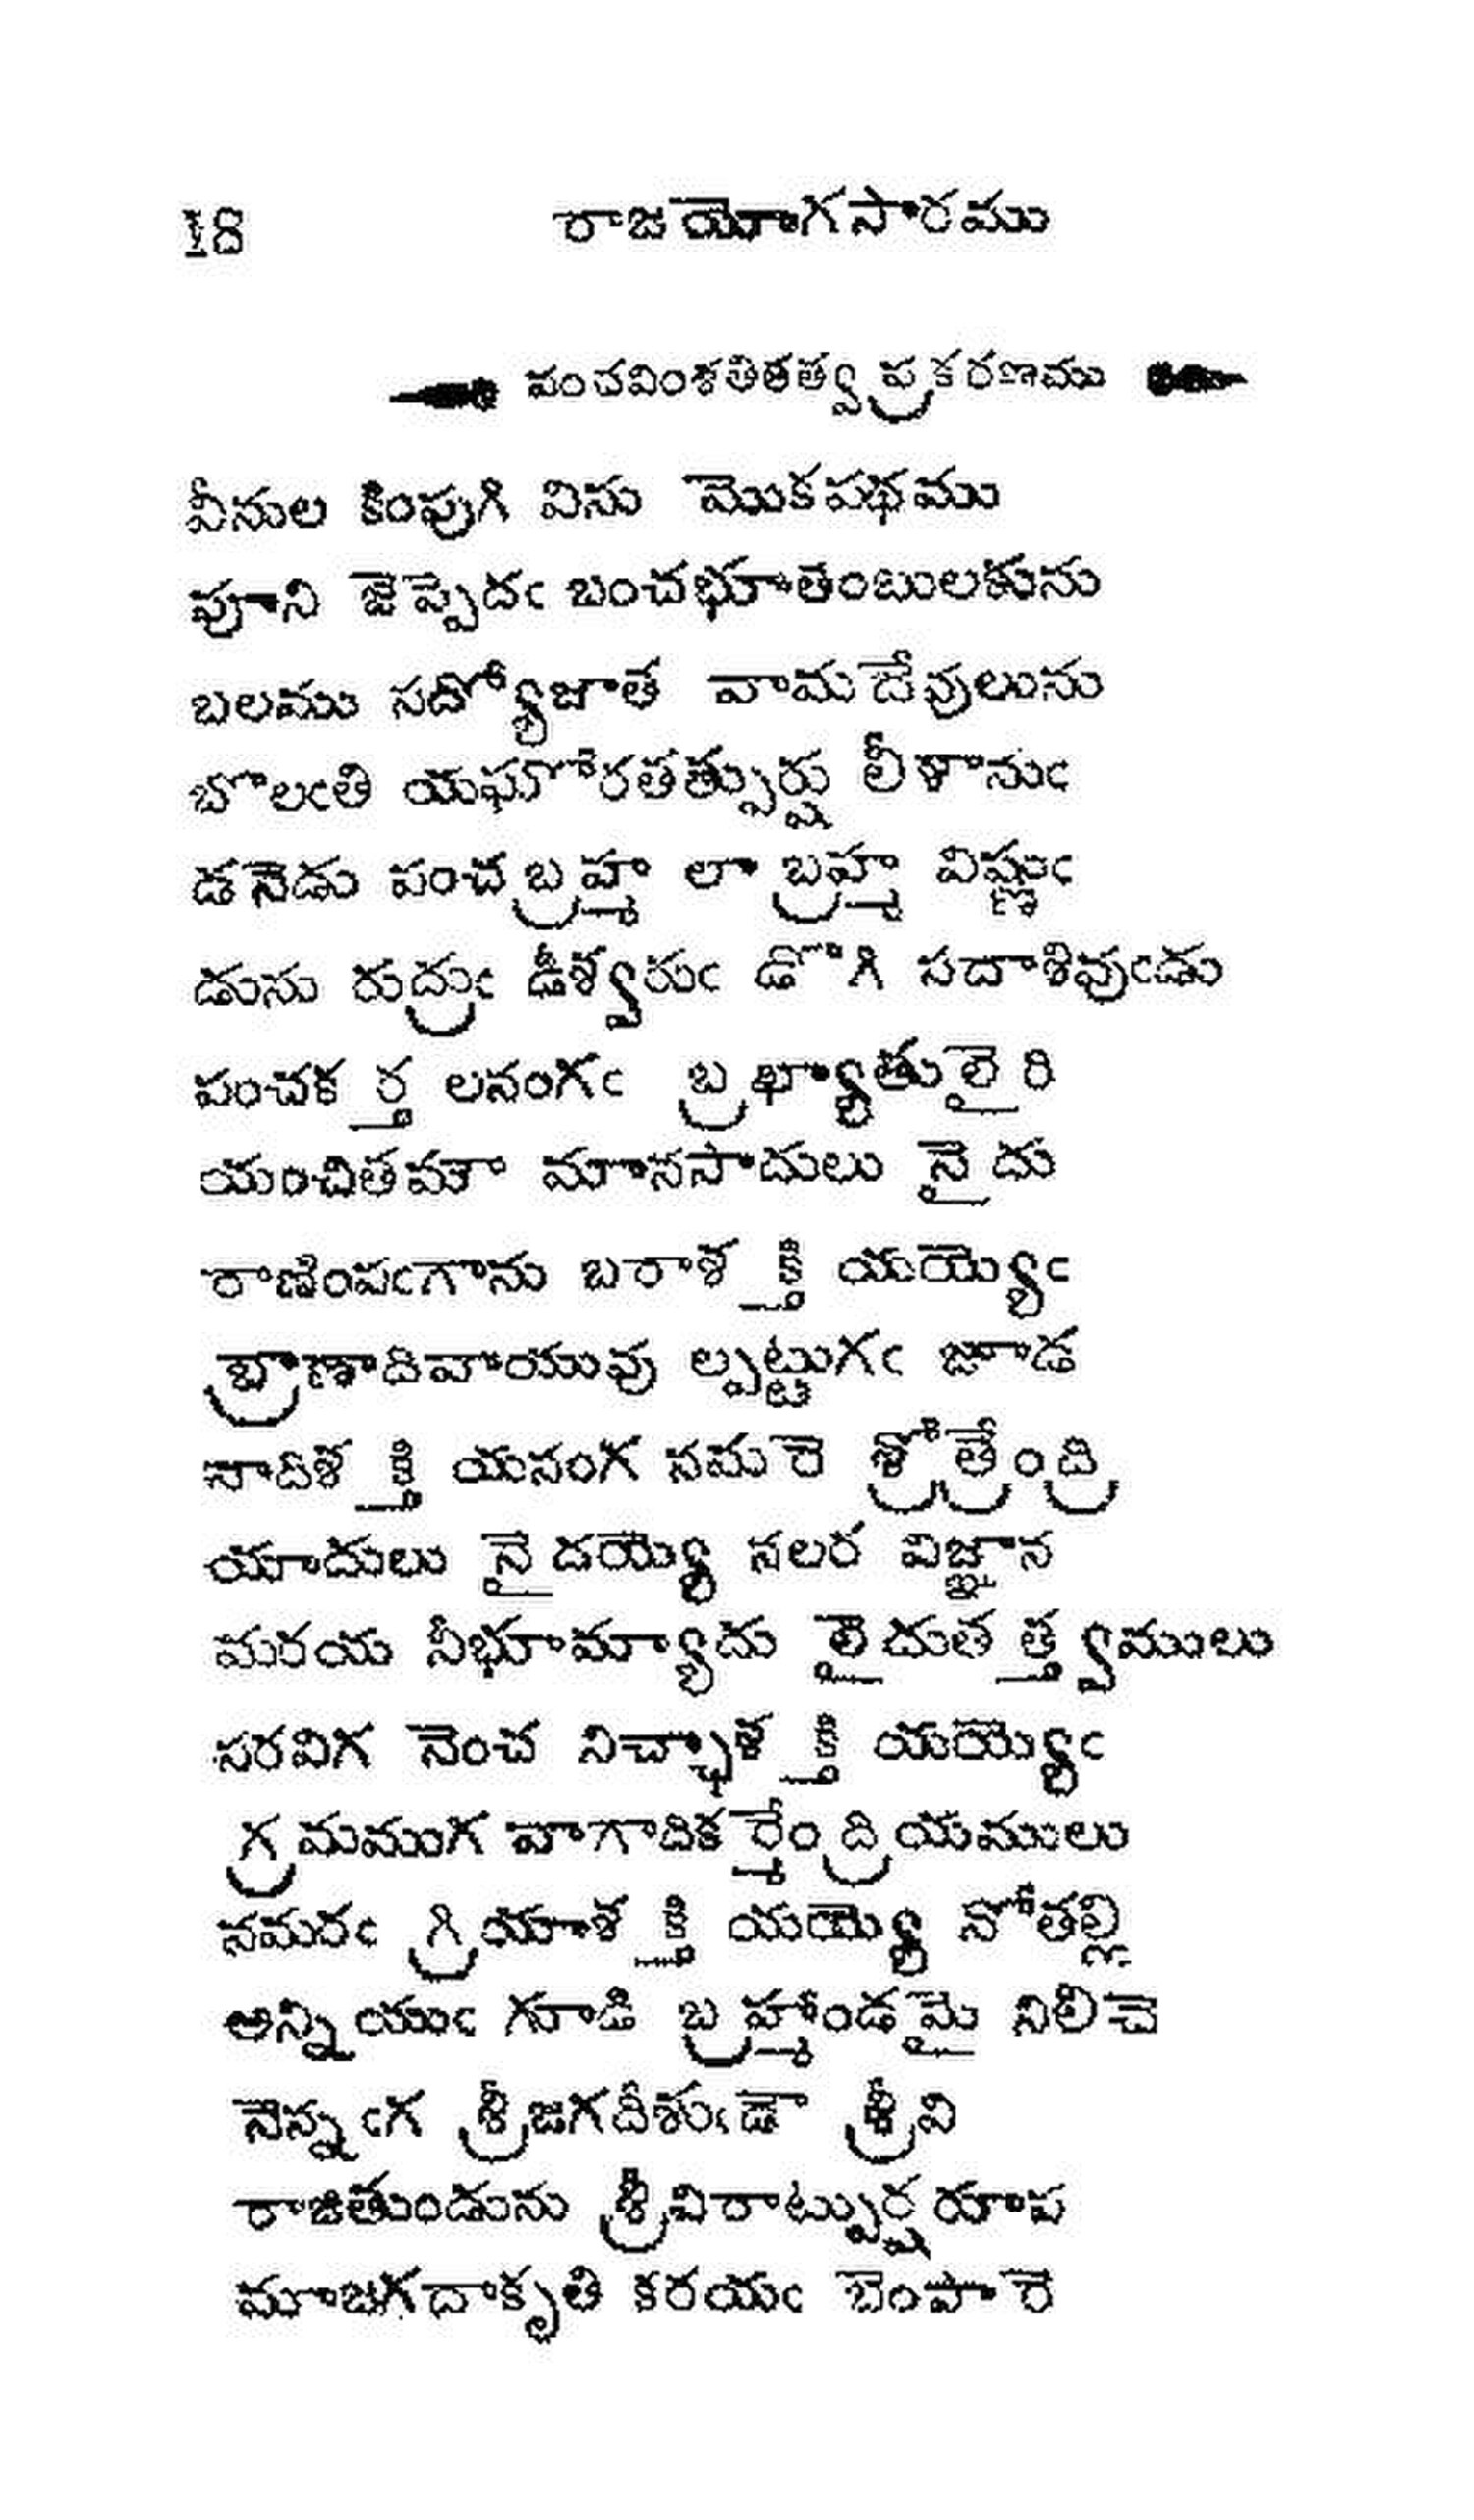వీనుల కింపుగ విను మొకపథము
పూని జెప్పెదఁ బంచభూతంబులకును
బలము సద్యోజాత వామదేవులును
బొలఁతి యఘోరతత్పుర్షు లీశానుఁ
డనెడు పంచబ్రహ్మ లా బ్రహ్మ విష్ణుఁ
డును రుద్రుఁ డీశ్వరుఁ డొగి సదాశివుఁడు
పంచకర్త లనంగఁ బ్రఖ్యాతులైరి
యంచితమౌ మానసాదులు నైదు
రాణింపఁగాను బరాశక్తి యయ్యెఁ
బ్రాణాదివాయువు ల్పట్టుగఁ జూడ
నాదిశక్తి యనంగ నమరె శ్రోత్రేంద్రి
యాదులు నైదయ్యె నలర విజ్ఞాన
మరయ నీభూమ్యాదు లైదుతత్త్వములు
సరవిగ నెంచ నిచ్ఛాశక్తి యయ్యెఁ
గ్రమముగ వాగాదికర్మేంద్రియములు
నమరఁ క్రియాశక్తి యయ్యె నోతల్లి
అన్నియుఁ గూడి బ్రహ్మాండమై నిలిచె
నెన్నఁగ శ్రీజగదీశుఁడౌ శ్రీవి
రాజితుండును శ్రీవిరాట్పుర్షరూప
మాజగదాకృతి కరయఁ బెంపారె